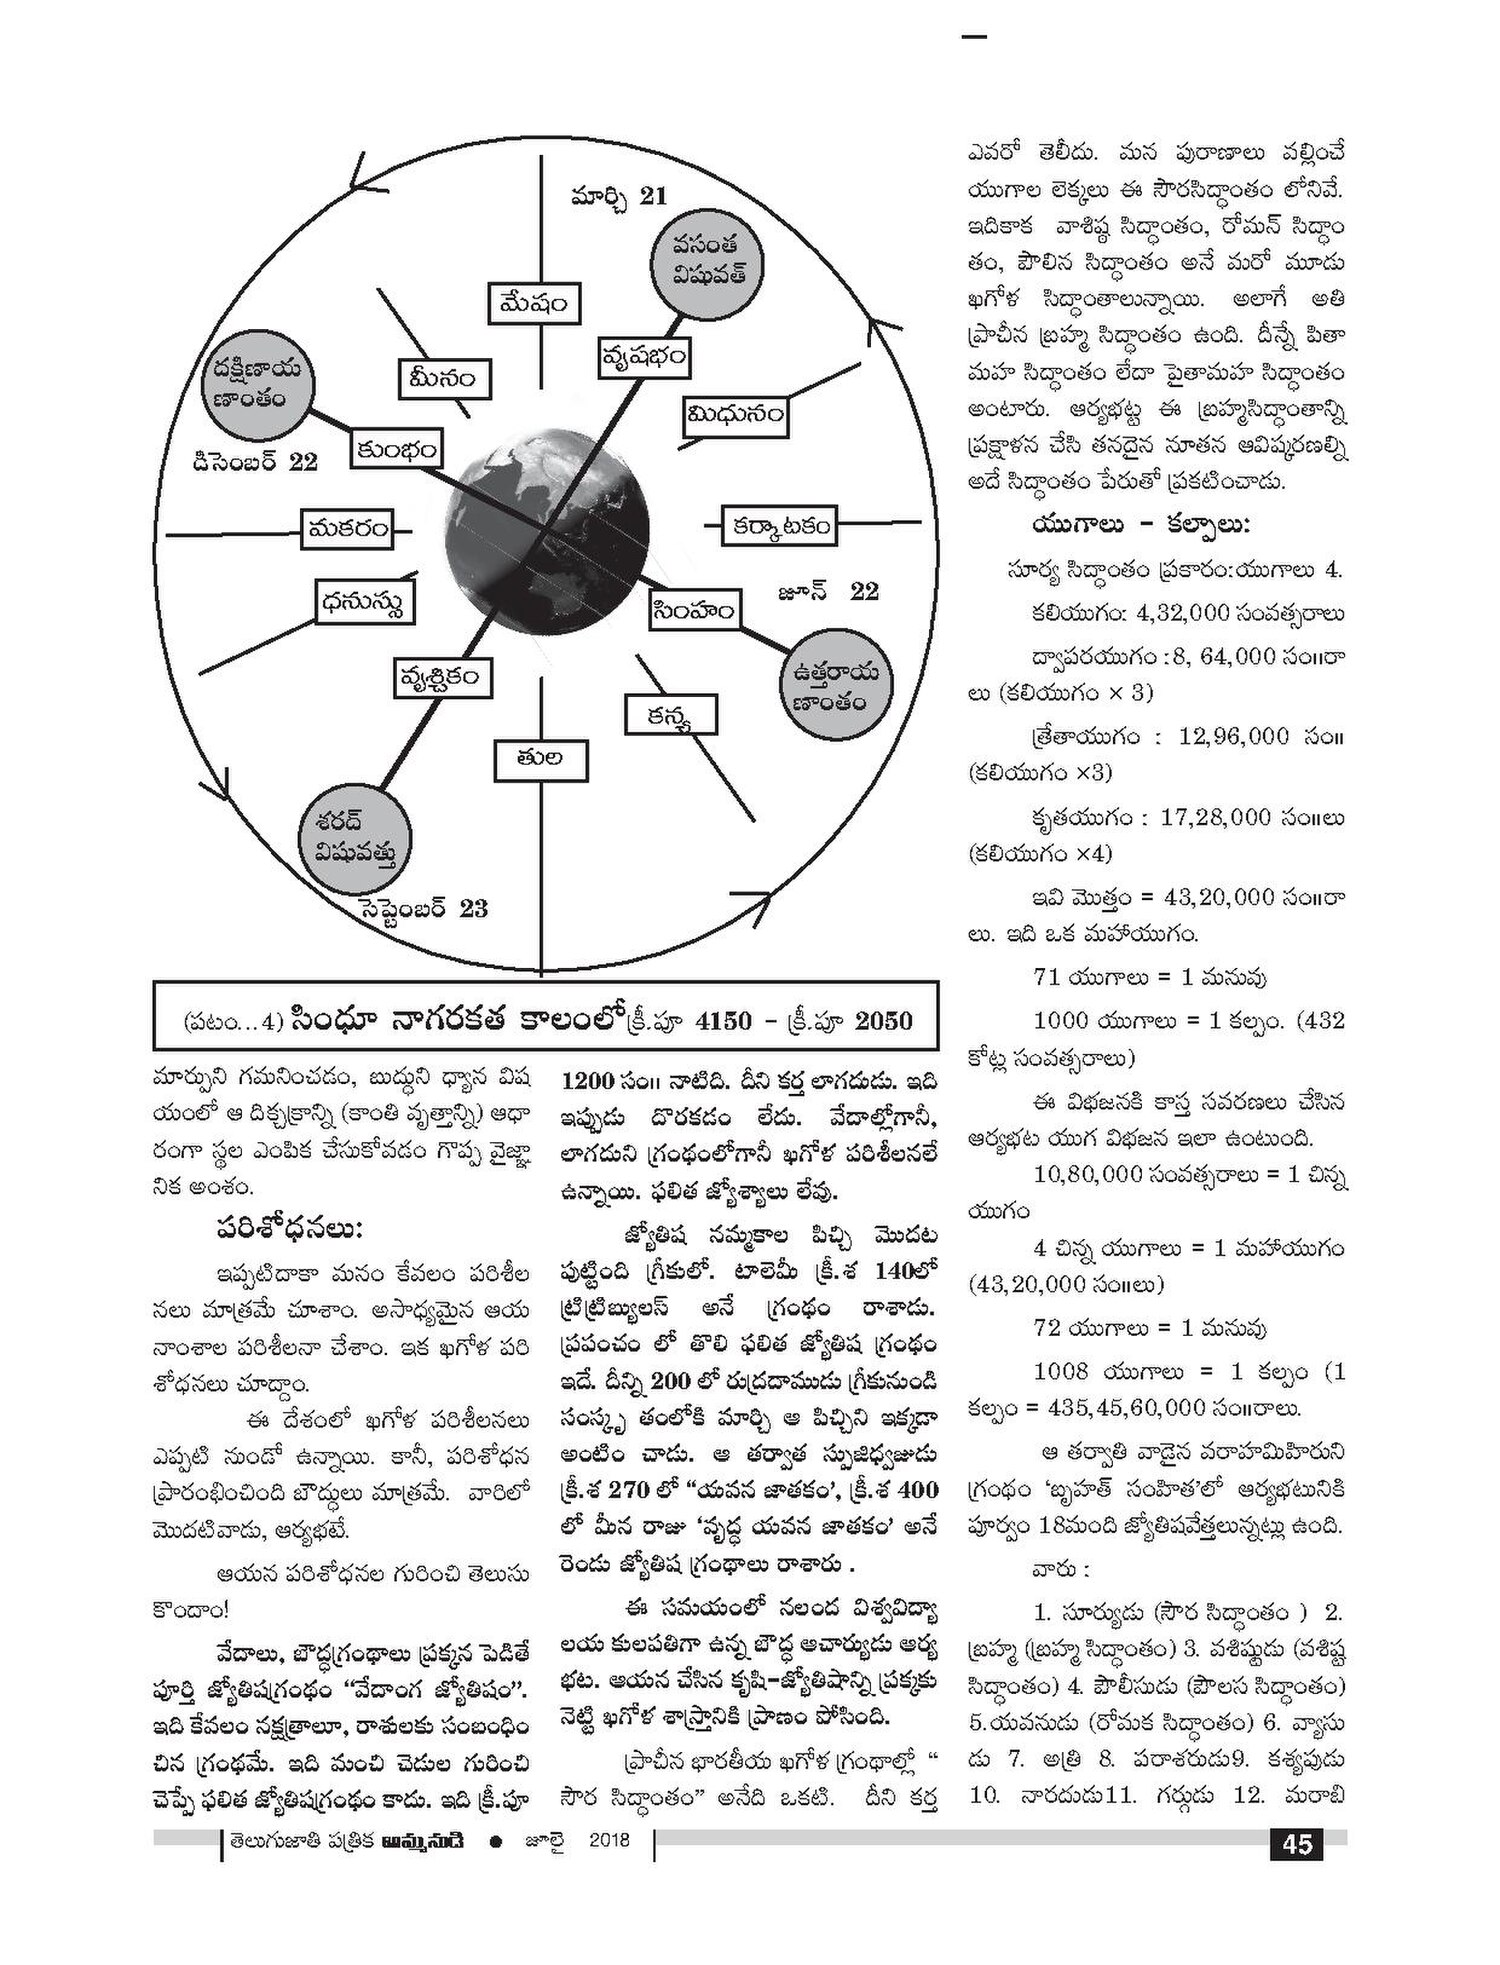మార్పుని గమనించడం, బుద్దుని ధ్యాన విషయంలో ఆ దిక్చక్రాన్ని (కాంతి వృత్తాన్ని) ఆధారంగా స్థల ఎంపిక చేసుకోవడం గొప్ప వైజ్ఞానిక అంశం.

పరిశోధనలు:

ఇప్పటిదాకా మనం కేవలం పరిశీలనలు మాత్రమే చూశాం. అసాధ్యమైన ఆయనాంశాల పరిశీలనా చేశాం. ఇక ఖగోళ పరిశోధనలు చూద్దాం.

ఈ దేశంలో ఖగోళ పరిశీలనలు ఎప్పటి నుండో ఉన్నాయి. కానీ, పరిశోధన ప్రారంభించింది బౌద్ధులు మాత్రమే. వారిలో మొదటివాడు, ఆర్యభటే.

ఆయన పరిశోధనల గురించి తెలుసుకొందాం!

వేదాలు, బౌద్ధగ్రంథాలు ప్రక్కన పెడితే పూర్తి జ్యోతిషగ్రంథం “వేదాంగ జ్యోతిషం”. ఇది కేవలం నక్షత్రాలూ, రాశులకు సంబంధించిన గ్రంథమే. ఇది మంచి చెడుల గురించి చెప్పే ఫలిత జ్యోతిషగ్రంథం కాదు. ఇది క్రీ. పూ. 1200 సం॥ నాటిది. దీని కర్త లాగదుడు. ఇదిఇప్పుడు దొరకడం లేదు. వేదాల్లోగానీ,
లాగదుని గ్రంథంలోగానీ ఖగోళ పరిశీలనలే ఉన్నాయి. ఫలిత జ్యోశ్యాలు లేవు.

జ్యోతిష నమ్మకాల పిచ్చి మొదట పుట్టింది గ్రీకులో. టాలెమీ క్రీ. శ 140లో ట్రిట్రిబ్యులస్‌ అనే గ్రంథం రాశాడు. ప్రపంచం లో తొలి ఫలిత జ్యోతిష గ్రంథం ఇదే. దీన్ని 200 లో రుద్రదాముడు గ్రీకునుండి
సంస్కృ తంలోకి మార్చి ఆ పిచ్చిని ఇక్కడా అంటిం చాడు. ఆ తర్వాత స్పుజిధ్వజుడు క్రీ. శ 270లో “యవన జాతకం, క్రీ.శ 400 లో మీన రాజు 'వృద్ధ యవన జాతకం' అనే రెండు జ్యోతిష గ్రంథాలు రాశారు. 

ఈ సమయంలో నలంద విశ్వవిద్యాలయ కులపతిగా ఉన్న బౌద్ధ ఆచార్యుడు అర్య భట. ఆయన చేసిన కృషి-జ్యోతిషాన్ని ప్రక్కకు నెట్టి ఖగోళ శాస్త్రానికి ప్రాణం పోసింది.

ప్రాచీన భారతీయ ఖగోళ గ్రంథాల్లో "సౌర సిద్ధాంతం” అనేది ఒకటి. దీని కర్త ఎవరో తెలీదు. మన పురాణాలు వల్లించే యుగాల లెక్కలు ఈ సౌరసిద్ధాంతం లోనివే. ఇదికాక వాశిష్ఠ సిద్ధాంతం, రోమన్‌ సిద్ధాంతం, పౌలిన సిద్ధాంతం అనే మరో మూడు ఖగోళ సిద్ధాంతాలున్నాయి. అలాగే అతి ప్రాచీన బ్రహ్మ సిద్ధాంతం ఉంది. దీన్నే పితామహా సిద్దాంతం లేదా పైతామహ సిద్ధాంతం అంటారు. ఆర్యభట్ట ఈ బ్రహ్మసిద్ధాంతాన్ని ప్రక్షాళన చేసి తనదైన నూతన ఆవిష్కరణల్ని అదే సిద్ధాంతం పేరుతో ప్రకటించాడు.

యుగాలు - కల్పాలు:

సూర్య సిద్ధాంతం ప్రకారం:యుగాలు 4.

కలియుగం: 4,32,000 సంవత్సరాలు

ద్వాపరయుగం :8, 64,000 సం॥రాలు (కలియుగం x 3)

త్రేతాయుగం : 12,96,000 సం॥ (కలియుగం x 3)

కృతయుగం : 17,28000 సం॥లు (కలియుగం x 4)

ఇవి మొత్తం = 43,20,000 సం॥రాలు, ఇది ఒక మహాయుగం.

71 యుగాలు = 1 మనువు

1000 యుగాలు = 1 కల్పం. (432 కోట్ల సంవత్సరాలు)

ఈ విభజనకి కాస్త సవరణలు చేసిన ఆర్యభట యుగ విభజన ఇలా ఉంటుంది.

10,80,000 సంవత్సరాలు = 1 చిన్న యుగం

4 చిన్న యుగాలు = 1 మహాయుగం (43,20,000 సంలు)

72 యుగాలు = 1 మనువు

1008 యుగాలు = 1 కల్పం (1 కల్పం = 435,45,60,000 సం॥రాలు.

ఆ తర్వాతి వాడైన వరాహమిహిరుని గ్రంథం “బృహత్‌ సంహిత'లో ఆర్యభటునికి
పూర్వం 18మంది జ్యోతిషవేత్తలున్నట్లు ఉంది.

వారు:

1. సూర్యుడు (సౌర సిద్ధాంతం ) 2. బ్రహ్మ (బ్రహ్మ సిద్ధాంతం) 3. వశిష్టుడు (వశిష్ట సిద్ధాంతం) 4 పౌలీసుడు (పౌలస సిద్ధాంతం) 5. యవనుడు (రోమక సిద్ధాంతం) 6. వ్యాసుడు 7. అత్రి 8 పరాశరుడు 9. కశ్యపుడు 10. నారదుడు 11. గర్గుడు 12. మరాబి